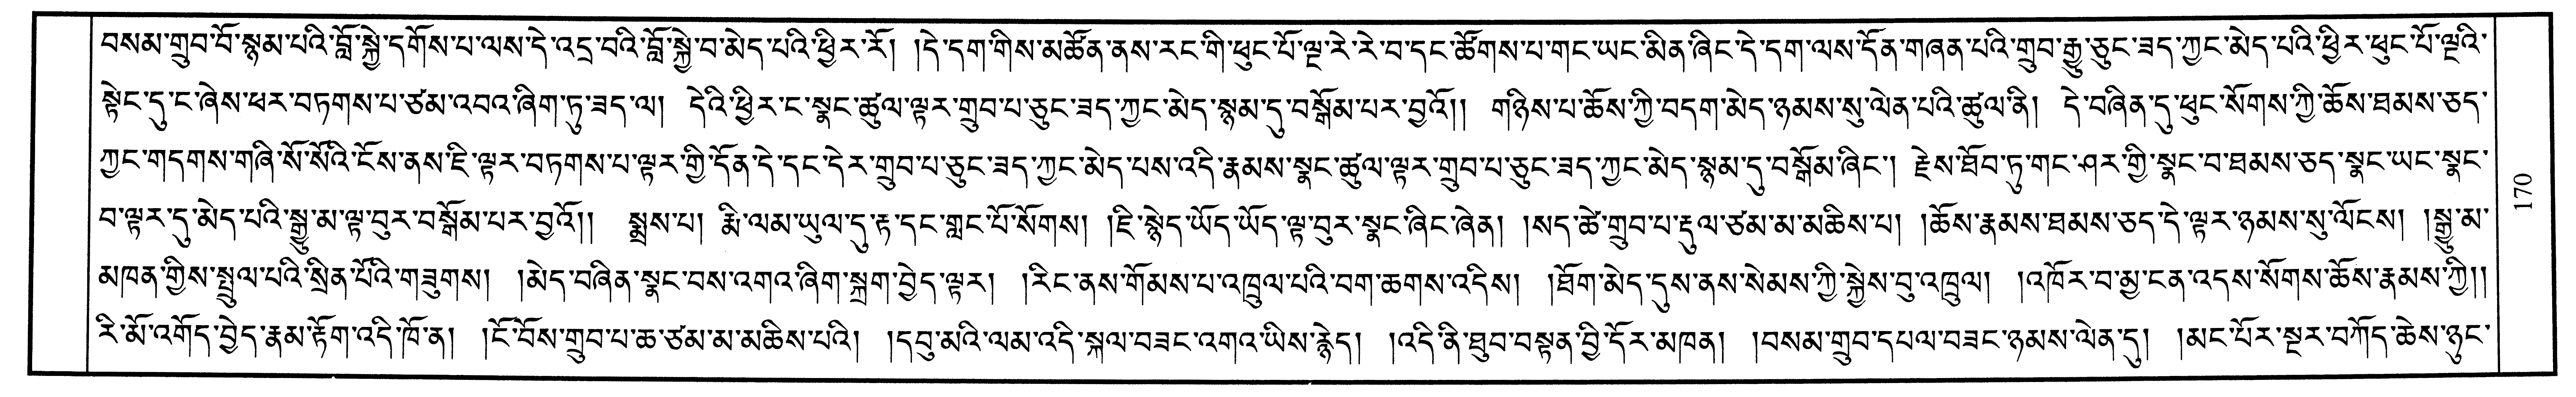བསམ་གྲུབ་བོ་སྙམ་པའི་བློ་སྐྱེ་དགོས་པ་ལས་དེ་འདྲ་བའི་བློ་སྐྱེ་བ་མེད་པའི་ཕྱིར་རོ། །དེ་དག་གིས་མཚོན་ནས་རང་གི་ཕུང་པོ་ལྔ་རེ་རེ་བ་དང་ཚོགས་པ་གང་ཡང་མིན་ཞིང་དེ་དག་ལས་དོན་གཞན་པའི་གྲུབ་རྒྱུ་ཅུང་ཟད་ཀྱང་མེད་པའི་ཕྱིར་ཕུང་པོ་ལྔའི་
སྟེང་དུ་ང་ཞེས་ཕར་བཏགས་པ་ཙམ་འབའ་ཞིག་ཏུ་ཟད་ལ། དེའི་ཕྱིར་ང་སྣང་ཚུལ་ལྟར་གྲུབ་པ་ཅུང་ཟད་ཀྱང་མེད་སྙན་དུ་བསྒོམ་པར་བྱའོ།། གཉིས་པ་ཆོས་ཀྱི་བདག་མེད་ཉམས་སུ་ལེན་པའི་ཚུལ་ནི། དེ་བཞིན་དུ་ཕུང་སོགས་ཀྱི་ཆོས་ཐམས་ཅད་
ཀྱང་གདགས་གཞི་སོ་སོའི་ངོས་ནས་ཇི་ལྟར་བཏགས་པ་ལྟར་གྱི་དོན་དེ་དང་དེར་གྲུབ་པ་ཅུང་ཟད་ཀྱང་མེད་པས་འདི་རྣམས་སྣང་ཚུལ་ལྟར་གྲུབ་པ་ཅུང་ཟད་ཀྱང་མེད་སྙམ་དུ་བསྒོམ་ཞིང་། རྗེས་ཐོབ་ཏུ་གང་ཤར་གྱི་སྣང་བ་ཐམས་ཅད་སྣང་ཡང་སྣང་
བ་ལྟར་དུ་མེད་པའི་སྒྱུ་མ་ལྟ་བུར་བསྒོམ་པར་བྱའོ།། སྨྲས་པ། རྨི་ལམ་ཡུལ་དུ་རྟ་དང་གླང་པོ་སོགས། །ཇི་སྙེད་ཡོད་ཡོད་ལྟ་བུར་སྣང་ཞིང་ཞེན། །སད་ཚེ་གྲུབ་པ་རྡུལ་ཙམ་མ་མཆིས་པ། །ཆོས་རྣམས་ཐམས་ཅད་དེ་ལྟར་ཉམས་སུ་ལོངས། །སྒྱུ་མ་
མཁན་གྱིས་སྤྲུལ་པའི་སྲིན་པོའི་གཟུགས། །མེད་བཞིན་སྣང་བས་འགའ་ཞིག་སྐྲག་བྱེད་ལྟར། །རིང་ནས་གོམས་པ་འཁྲུལ་པའི་བག་ཆགས་འདིས། །ཐོག་མེད་དུས་ནས་སེམས་ཀྱི་སྐྱེས་བུ་འཁྲུལ། །འཁོར་བ་མྱ་ངན་འདས་སོགས་ཆོས་རྣམས་ཀྱི།།
རི་མོ་འགོད་བྱེད་རྣམ་རྟོག་འདི་ཁོ་ན། །ངོ་བོས་གྲུབ་པ་ཆ་ཙམ་མ་མཆིས་པའི། །དབུ་མའི་ལམ་འདི་སྐད་བཟང་འགའ་ཡིས་རྙེད། །འདི་ནི་ཐུབ་བསྟན་བྱི་དོར་མཁན། །བསམ་གྲུབ་དཔལ་བཟང་ཉམས་ལེན་དུ། །མང་པོར་སྔར་བཀོད་ཆེས་ཉུང་